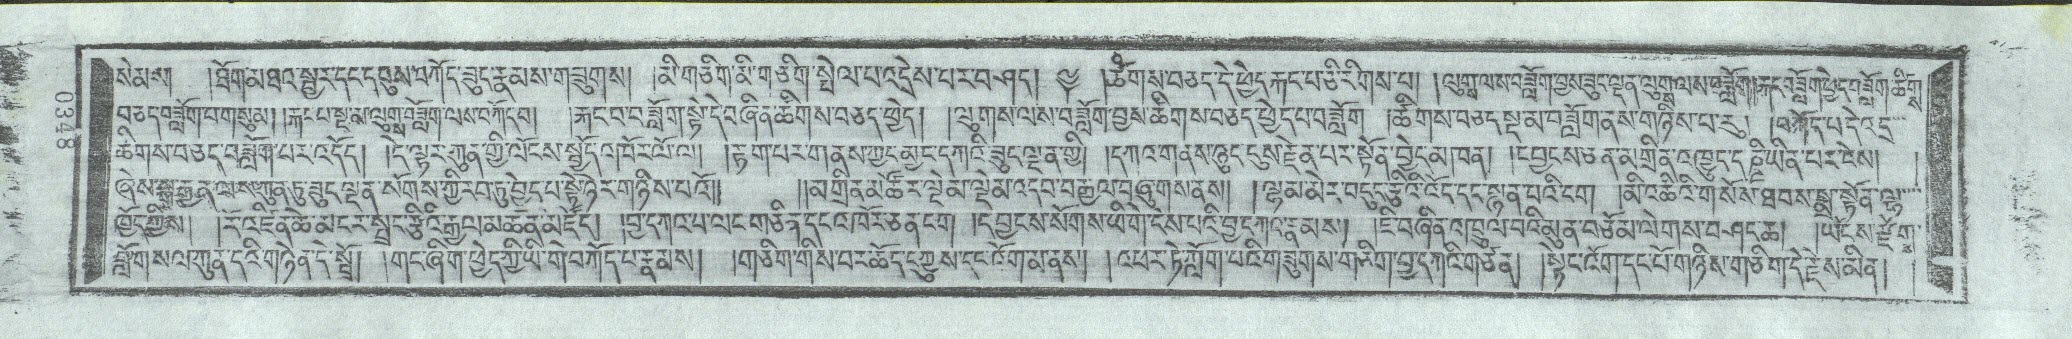སེམས། །ཐོག་མཐའ་སྦྱར་དང་དབུས་བཀོང་ཟུང་རྣམས་གཟུགས། །མི་གཅིག་མི་གཅིག་སྤེལ་བ་འདྲེས་པར་བཤད། ༈ །ཚིགས་བཅད་དེ་ཕྱེད་རྐང་པ་ཅི་རིགས་པ། །ལུགས་ལས་བཟློག་བྱས་ཟུང་ལྡན་ལུགས་ལས་བཟློག །རྐང་བཟློག་ཕྱེ་བཟློག་ཚིགས་
བཅད་བཟློག་བ་གསུམ། །རྐང་པ་སྔ་མ་ལུགས་བཟློག་ལས་བཀོད་བ། །རྐང་བ་བཟློག་སྟེ་དེ་བཞིན་ཚིགས་བཅད་ཕྱེད། །ལུགས་ལས་བཟློག་བྱས་ཚིགས་བཅད་ཕྱེད་པ་བཟློག །ཚིགས་བཅད་སྔ་མ་བཟློག་ནས་གཉིས་པ་རུ། །བཀོད་པ་དེ་འདྲ་
ཚིགས་བཅད་བཟློག་པར་འདོད། །དེ་ལྟར་ཀུན་གྱི་ལོངས་སྤྱོད་འཁོར་ལོ་ལ། །རྟག་པར་གནས་ཀྱང་མྱང་དཀའི་ཐུད་ལྡན་གྱི། །བཀའ་གནས་ཉུང་དུས་རྗེན་པར་སྟོན་བྱེད་མཁན། །དབྱངས་ཅན་མགྲིན་འཁྱུད་དཎྜི་ཡིན་པར་ངེས། །
ཞེས་སྒྲ་རྒྱན་ལས་ཀུན་ཏུ་ཟུང་ལྡན་སོགས་ཀྱི་རབ་ཏུ་བྱེད་པ་སྟེ་ཉེར་གཅིག་པའོ།། །།མགྲིན་མཚོར་ལྡེམ་ལྡེམ་འདབ་བརྒྱལ་བཞུགས་ནས་།ལྷམ་མེར་བདུད་རྩིའི་འོང་དང་སྙན་པའི་ངག །མི་འཆིའི་གསོས་ཐབས་སྨྲ་སྟོན་ལྷ་
ཁྱོད་ཀྱིས། །རོ་འཛིན་ཆེ་མངར་སྤྲང་རྩིའི་རྒྱལ་མཚན་མཛོད། །བྱ་བཀའ་པ་ལང་གཅིག་དང་འཁོར་ཅན་ངག། །དབྱངས་སོགས་ཡི་གེ་ངེས་པའི་བྱ་དཀའ་རྣམས། །ཇི་བཞིན་འཁྲུལ་བའི་མུན་བཅོམ་ལེགས་བཤད་ཆ། །པངས?་རྫོགས་
བློ་གསལ་ཀུན་དའི་གཉེན་དེ་སྦྲོ། །གང་ཞིག་ཕྱེད་ཀྱི་ཡི་གེ་བཀོད་པ་རྣམས། །གཅིག་གིས་བར་ཆོད་དཀྱུས་དང་འོག་མ་ནས། །འཕར་ཏེ་ཀློག་པའི་གཟུགས་གཅིག་བྱ་དཀའི་གཙན། །སྟེང་འོག་དང་པོ་གཉིས་གཅིག་དེ་རྗེས་མིན། །